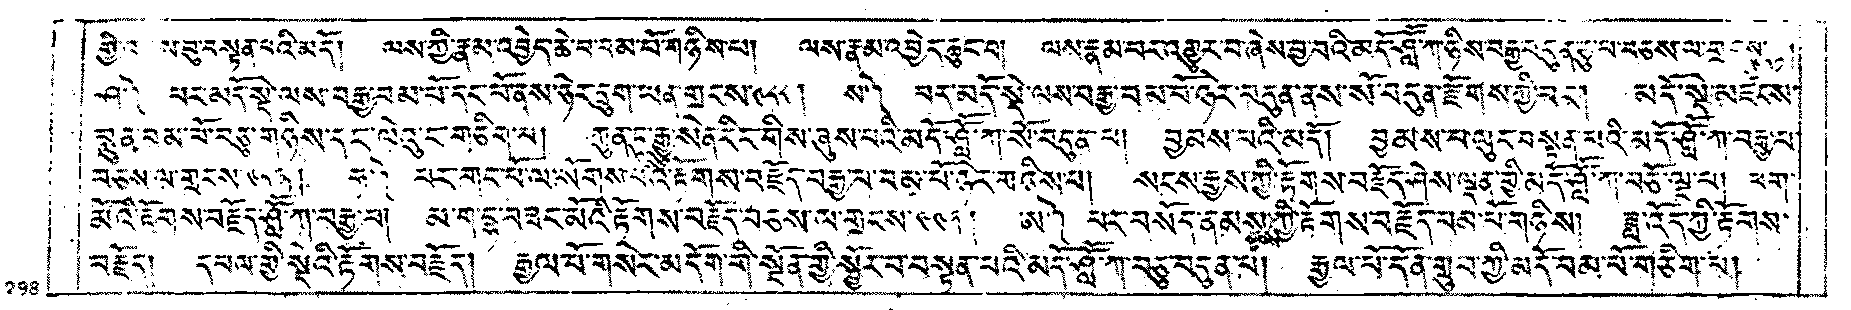གྱི་འབྲས་བུ་བསྟན་པའི་མདོ། ལས་ཀྱི་རྣམ་འབྱེད་ཆེ་བ་བམ་པོ་གཉིས་པ། ལས་རྣམ་འབྱེད་ཆུང་བ། ལས་རྣམ་པར་འགྱུར་བ་ཞེས་བྱ་བའི་མདོ་ཤླཽ་ཀ་ཉིས་བརྒྱ་བདུན་ཅུ་པ་བཅས་ལ་གྲངས ༤༨༡།
ཤ྄་པར་མདོ་སྡེ་ལས་བརྒྱ་བམ་པོ་དང་པོ་ནས་ཉེར་དྲུག་ཡན་གྲངས ༤༨༨། ས྄་པར་མདོ་སྡེ་ལས་བརྒྱ་བམ་པོ་ཉེར་བདུན་ནས་སོ་བདུན་རྫོགས་ཀྱི་བར། མདོ་སྡེ་མཛངས་
བླུན་བམ་པོ་བཅུ་གཉིས་དང་ལེའུ་ང་གཅིག་པ། ཀུན་ཏུ་རྒྱུ་སེན་རིང་གིས་ཞུས་པའི་མདོ་ཤླཽ་ཀ་སོ་བདུན་པ། བྱམས་པའི་མདོ། བྱམས་པ་ལུང་བསྟན་པའི་མདོ་ཤླཽ་ཀ་བརྒྱ་པ་
བཅས་ལ་གྲངས ༤༨༣། ཧ྄་པར་གང་པོ་ལ་སོགས་པའི་རྟོགས་བརྗོད་བརྒྱ་པ་བམ་པོ་ཉེར་གཉིས་པ། སངས་རྒྱས་ཀྱི་རྟོགས་བརྗོད་ཤེས་ལྡན་གྱི་མདོ་ཤླཽ་ཀ་བཅོ་ལྔ་པ། ཕག་
མོའི་རྟོགས་བརྗོད་ཤླཽ་ཀ་བརྒྱ་པ། མ་ག་དྷ་བཟང་མོའི་རྟོགས་བརྗོད་བཅས་ལ་གྲངས ༤༤༢། ཨ྄་པར་བསོད་ནམས་སྟོབས་ཀྱི་རྟོགས་བརྗོད་བམ་པོ་གཉིས། ཟླ་འོད་ཀྱི་རྟོགས་
བརྗོད། དཔལ་གྱི་སྡེའི་རྟོགས་བརྗོད། རྒྱལ་པོ་གསེར་མདོག་གི་སྔོན་གྱི་སྦྱོར་བ་བསྟན་པའི་མདོ་ཤླཽ་ཀ་བཅུ་བདུན་པ། རྒྱལ་པོ་དོན་གྲུབ་ཀྱི་མདོ་བམ་པོ་གཅིག་པ།